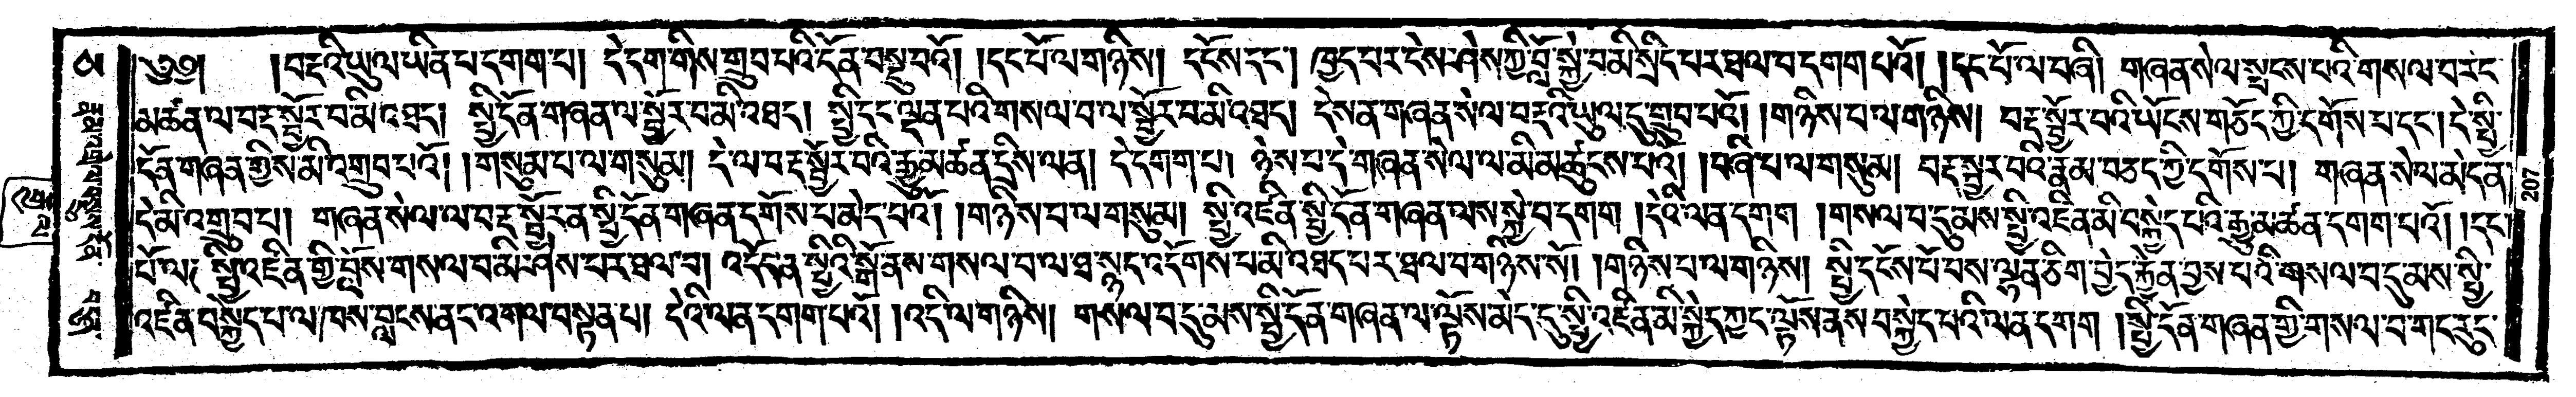༄༅། །བརྡའི་ཡུལ་ཡིན་པ་དགག་པ། དེ་དག་གིས་གྲུབ་པའི་དོན་བསྡུ་བའོ། །དང་པོ་ལ་གཉིས། དངོས་དང་། ཁྱད་པར་ངེས་ཤེས་ཀྱི་བློ་སྐྱེ་བ་མི་སྲིད་པར་ཐལ་བ་དགག་པའོ། །དང་པོ་ལ་བཞི། གཞན་སེལ་སྤངས་པའི་གསལ་བ་རང་
མཚན་ལ་བརྡ་སྦྱོར་བ་མི་འཐད། སྤྱི་དོན་གཞན་ལ་སྦྱོར་བ་མི་འཐད། སྤྱི་དང་ལྡན་པའི་གསལ་བ་ལ་སྦྱོར་བ་མི་འཐད། དེས་ན་གཞན་སེལ་བརྡའི་ཡུལ་དུ་གྲུབ་པའོ། །གཉིས་པ་ལ་གཉིས། བརྡ་སྦྱོར་བའི་ཡོངས་གཅོད་ཀྱི་དགོས་པ་དང་། དེ་སྤྱི་
དོན་གཞན་གྱིས་མི་འགྲུབ་པའོ། །གསུམ་པ་ལ་གསུམ། དེ་ལ་བརྡ་སྦྱོར་བའི་རྒྱུ་མཚན་དྲིས་ལན། དེ་དགག་པ། ཉེས་པ་དེ་གཞན་སེལ་ལ་མི་མཚུངས་པའོ། །བཞི་པ་ལ་གསུམ། བརྡ་སྦྱར་བའི་རྣམ་བཅད་ཀྱི་དགོས་པ། གཞན་སེལ་མེད་ན་
དེ་མི་འགྲུབ་པ། གཞན་སེལ་ལ་བརྡ་སྦྱོར་ན་སྤྱི་དོན་གཞན་དགོས་པ་མེད་པའོ། །གཉིས་པ་ལ་གསུམ། སྤྱི་འཛིན་སྤྱི་དོན་གཞན་ལས་སྐྱེ་བ་དགག །དེའི་ལན་དགག །གསལ་པ་དུ་མས་སྤྱི་འཛིན་མི་བསྐྱེད་པའི་རྒྱུ་མཚན་དགག་པའོ། །དང་
པོ་ལ། སྤྱི་འཛིན་གྱི་བློས་གསལ་བ་མི་ཤེས་པར་ཐལ་བ། འདོད་ན་སྤྱིའི་སྒོ་ནས་གསལ་བ་ལ་ཐ་སྙད་འདོགས་པ་མི་འཐད་པར་ཐལ་བ་གཉིས་སོ། །གཉིས་པ་ལ་གཉིས། སྤྱི་དངོས་པོ་བས་ལྷན་ཅིག་བྱེད་རྐྱེན་བྱས་པའི་གསལ་བ་དུ་མས་སྤྱི་
འཛིན་བསྐྱེད་པ་ལ་ཁས་བླངས་ནང་འགལ་བསྟན་པ། དེའི་ལན་དགག་པའོ། །འདི་ལ་གཉིས། གསལ་བ་དུ་མས་སྤྱི་དོན་གཞན་ལ་ལྟོས་མེད་དུ་སྤྱི་འཛིན་མི་སྐྱེད་ཀྱང་ལྟོས་ནས་བསྐྱེད་པའི་ལན་དགག །སྤྱི་དོན་གཞན་གྱི་གསལ་བ་གང་རུང་